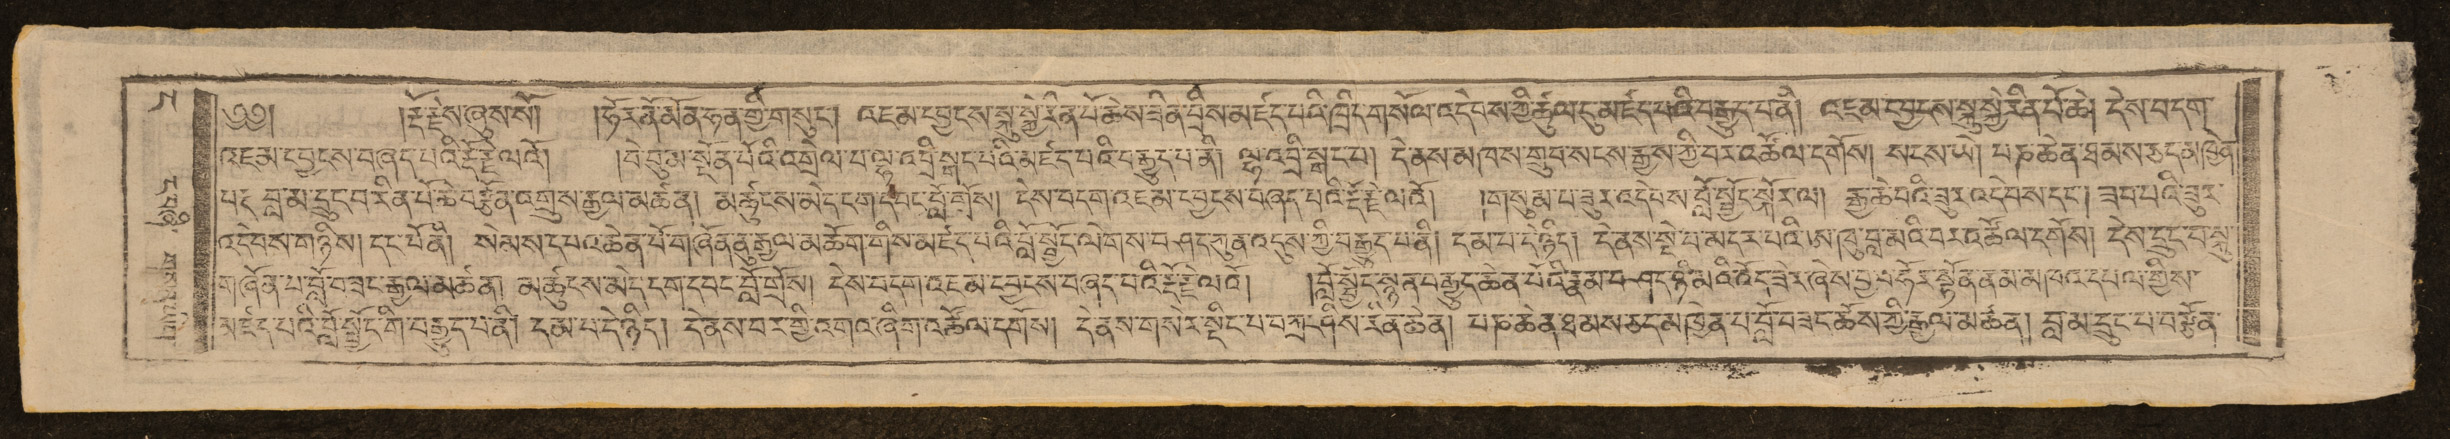༄༅། །རྡོ་རྗེས་ཞུས་སོ། །ཧོར་ནོ་མོན་ཧན་གྱི་གསུང་། འཇམ་དབྱངས་སྐུ་སྐྱེ་རིན་པོ་ཆེས་ཟིན་བྲིས་མཛད་པའི་ཁྲིད་གསོལ་འདེབས་ཀྱི་ཚུལ་དུ་མཛད་པའི་བརྒྱུད་པ་ནི། འཇམ་དབྱངས་སྐུ་སྐྱེ་རིན་པོ་ཆེ། དེས་བདག་
འཇམ་དབྱངས་བཞད་པའི་རྡོ་རྗེ་ལའོ། །བེ་བུམ་སྔོན་པོའི་འགྲེལ་པ་ལྟ་འབྲི་སྒང་པའི་མཛད་པའི་བརྒྱུད་པ་ནི། ལྷ་འབྲི་སྒང་པ། དེ་ན་མཁས་གྲུབ་སངས་རྒྱས་བར་འཚོལ་དགོས། སངས་ཡེ། པཎ་ཆེན་ཐམས་ཅད་མཁྱེན་
པ༑ བླ་མ་དྲུང་བ་རིན་པོ་ཆེ་བརྩོན་འགྲུས་རྒྱལ་མཚན། མཚུངས་མེད་ངག་དབང་བློ་གྲོས། དེས་བདག་འཇམ་དབྱངས་བཞད་པའི་རྡོ་རྗེ་ལའོ། །གསུམ་པ་ཟུར་འདེབས་བློ་སྦྱོང་སྐོར་ལ། རྒྱ་ཆེ་བའི་ཟུར་འདེབས་དང་། ཟབ་པའི་ཟུར་
འདེབས་གཉིས། དང་པོ་ནི། སེམས་དཔའ་ཆེན་པོ་གཞོན་ནུ་རྒྱལ་མཆོག་གིས་མཛད་པའི་བློ་སྦྱོང་ལེགས་བཤད་ཀུན་འདུས་ཀྱི་བརྒྱུད་པ་ནི། དམ་པ་དེ་ཉིད། དེ་ནས་སྡེ་པ་མདར་པའི་ཨ་ཁུ་བླ་མའི་བར་འཚོལ་དགོས། དེས་དྲུང་བ་སྐུ་
གཞོན་པ་བློ་བཟང་རྒྱལ་མཚན། མཚུངས་མེད་ངག་དབང་བློ་གྲོས། དེས་བདག་འཇམ་དབྱངས་བཞད་པའི་རྡོ་རྗེ་ལའོ། །བློ་སྦྱོང་སྙན་བརྒྱུད་ཆེན་པོའི་རྣམ་བཤད་ཉི་མའི་འོད་ཟེར་ཞེས་བྱ་བ་ཧོར་སྟོན་ནམ་མཁའ་དཔལ་གྱིས་
མཛད་པའི་བློ་སྦྱོང་གི་བརྒྱུད་པ་ནི། དམ་པ་དེ་ཉིད། དེ་ནས་བར་གྱི་འགའ་ཞིག་འཚོལ་དགོས། དེ་ནས་གསེར་སྡིང་པ་བཀྲ་ཤིས་རིན་ཆེན། པཎ་ཆེན་ཐམས་ཅད་མཁྱེན་པ་བློ་བཟང་ཆོས་ཀྱི་རྒྱལ་མཚན། བླ་མ་དྲུང་པ་བརྩོན་